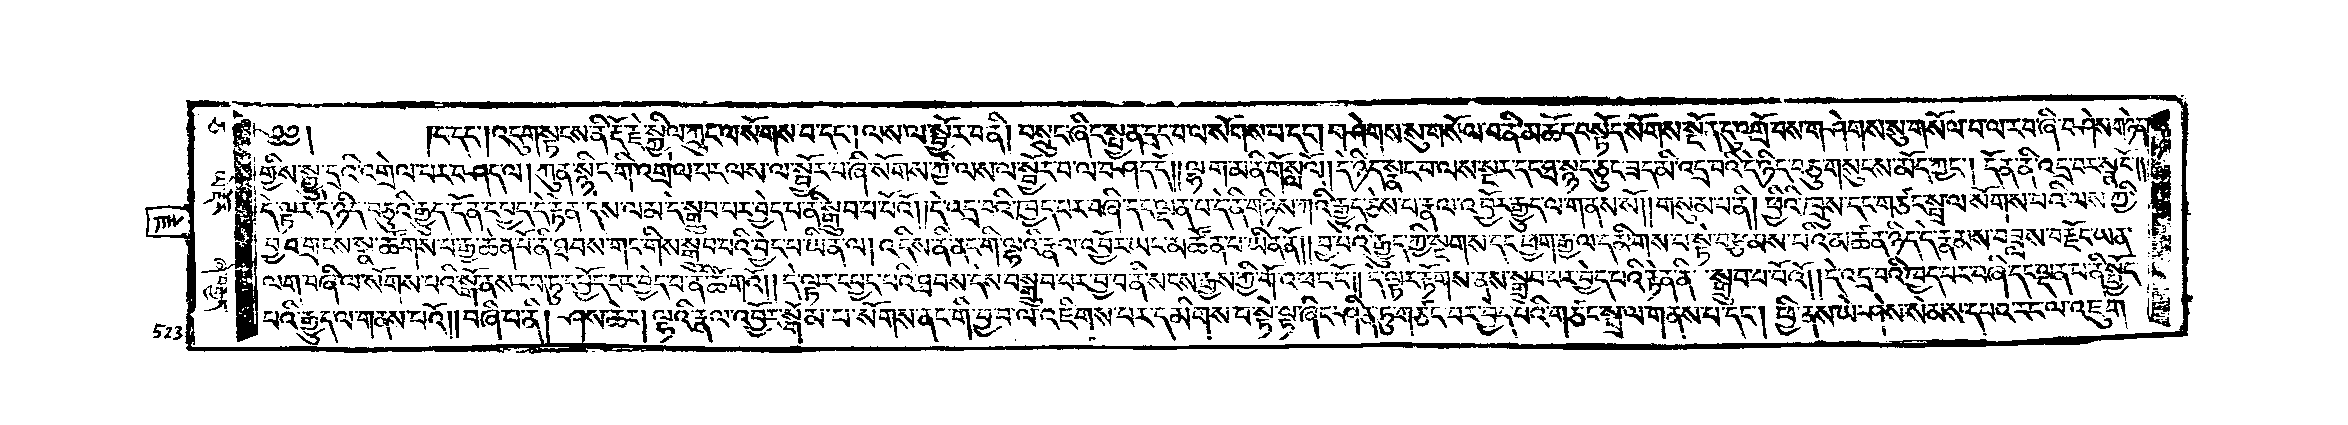༄༅། །པ་དང་། འདུག་སྟངས་ནི་རྡོ་རྗེ་སྐྱིལ་ཀྲུང་ལ་སོགས་པ་དང་། ལས་ལ་སྦྱོར་བ་ནི། བསྲུང་ཞིང་སྤྱན་དྲང་བ་ལ་སོགས་པ་དང་། གཤེགས་སུ་གསོལ་བ་ནི་མཆོད་བསྟོད་སོགས་སྔོན་དུ་འགྲོ་བས་གཤེགས་སུ་གསོལ་བ་ལ་རབ་ཞི་བཤེས་གཉེན་
གྱིས་སྒྱུ་དྲའི་འགྲེལ་པར་བཤད་ལ། ཀུན་སྙིང་གི་འགྲེལ་པར་ལས་ལ་སྦྱོར་བ་ཞི་སོགས་ཀྱི་ལས་ལ་སྦྱོར་བ་ལ་བཤད་དོ། །ལྷག་མ་ནི་གོ་སླའོ། །དེ་ཉིད་སྣང་བ་ལས་སྔར་དང་ཐ་སྙད་ཅུང་ཟད་མི་འདྲ་བའི་དེ་ཉིད་བཅུ་གསུངས་མོད་ཀྱང་། དོན་ནི་འདྲ་བར་སྣང་ངོ། །
དེ་ལྟར་དེ་ཉིད་བཅུའི་རྒྱུད་དོན་དཔྱད་དེ་རྟེན་དེས་ལམ་དེ་སྒྲུབ་པར་བྱེད་པ་ནི་སྒྲུབ་པ་པོའོ། །དེ་འདྲ་བའི་ཁྱད་པར་བཞི་དང་ལྡན་པ་དེ་ནི་གཉིས་ཀའི་རྒྱུད་ཅེས་པ་རྣལ་འབྱོར་རྒྱུད་ལ་གནས་སོ། །གསུམ་པ་ནི། ཕྱིའི་ཁྲུས་དང་གཙང་སྦྲ་ལ་སོགས་པའི་ལས་ཀྱི་
བྱ་བ་གྲངས་སྣ་ཚོགས་པ་རྒྱ་ཆེན་པོ་ནི་ཐབས་གང་གིས་སྒྲུབ་པའི་བྱེད་པ་ཡིན་ལ། འདིས་ནི་ནང་གི་ལྷའི་རྣལ་འབྱོར་ཡང་མཚོན་པ་ཡིན་ནོ། །བྱ་བའི་རྒྱུད་ཀྱི་སྔགས་དང་ཕྱག་རྒྱ་ལ་དམིགས་པ་སྟེ་བརྩམས་པའི་མཚན་ཉིད་དེ་རྣམས་བཟླས་བརྗོད་ཡན་
ལག་བཞི་ལ་སོགས་པའི་སྒོ་ནས་རབ་ཏུ་དཔྱོད་པར་བྱེད་པ་ནི་ཆོ་གའོ། །དེ་ལྟར་དཔྱད་པའི་ཐབས་དེས་བསྒྲུབ་པར་བྱ་བ་ནི་སངས་རྒྱས་ཀྱི་གོ་འཕང་ངོ། །དེ་ལྟར་རྟོགས་ནས་སྒྲུབ་པར་བྱེད་པའི་རྟེན་ནི་སྒྲུབ་པ་པོའོ། །དེ་འདྲ་བའི་ཁྱད་པར་བཞི་དང་ལྡན་པ་ནི་སྤྱོད་
པའི་རྒྱུད་ལ་གནས་པའོ། །བཞི་པ་ནི། ཤས་ཆེར། ལྷའི་རྣལ་འབྱོར་སྒོམ་པ་སོགས་ནང་གི་བྱ་བ་ལ་འཇིགས་པར་དམིགས་པ་སྟེ་ལྟ་ཞིང་ཤིན་ཏུ་གཙང་བར་བྱེད་པའི་གཙང་སྤྲ་ལ་གནས་པ་དང་། ཕྱི་ནས་ཡེ་ཤེས་སེམས་དཔའ་རང་ལ་འཇུག་